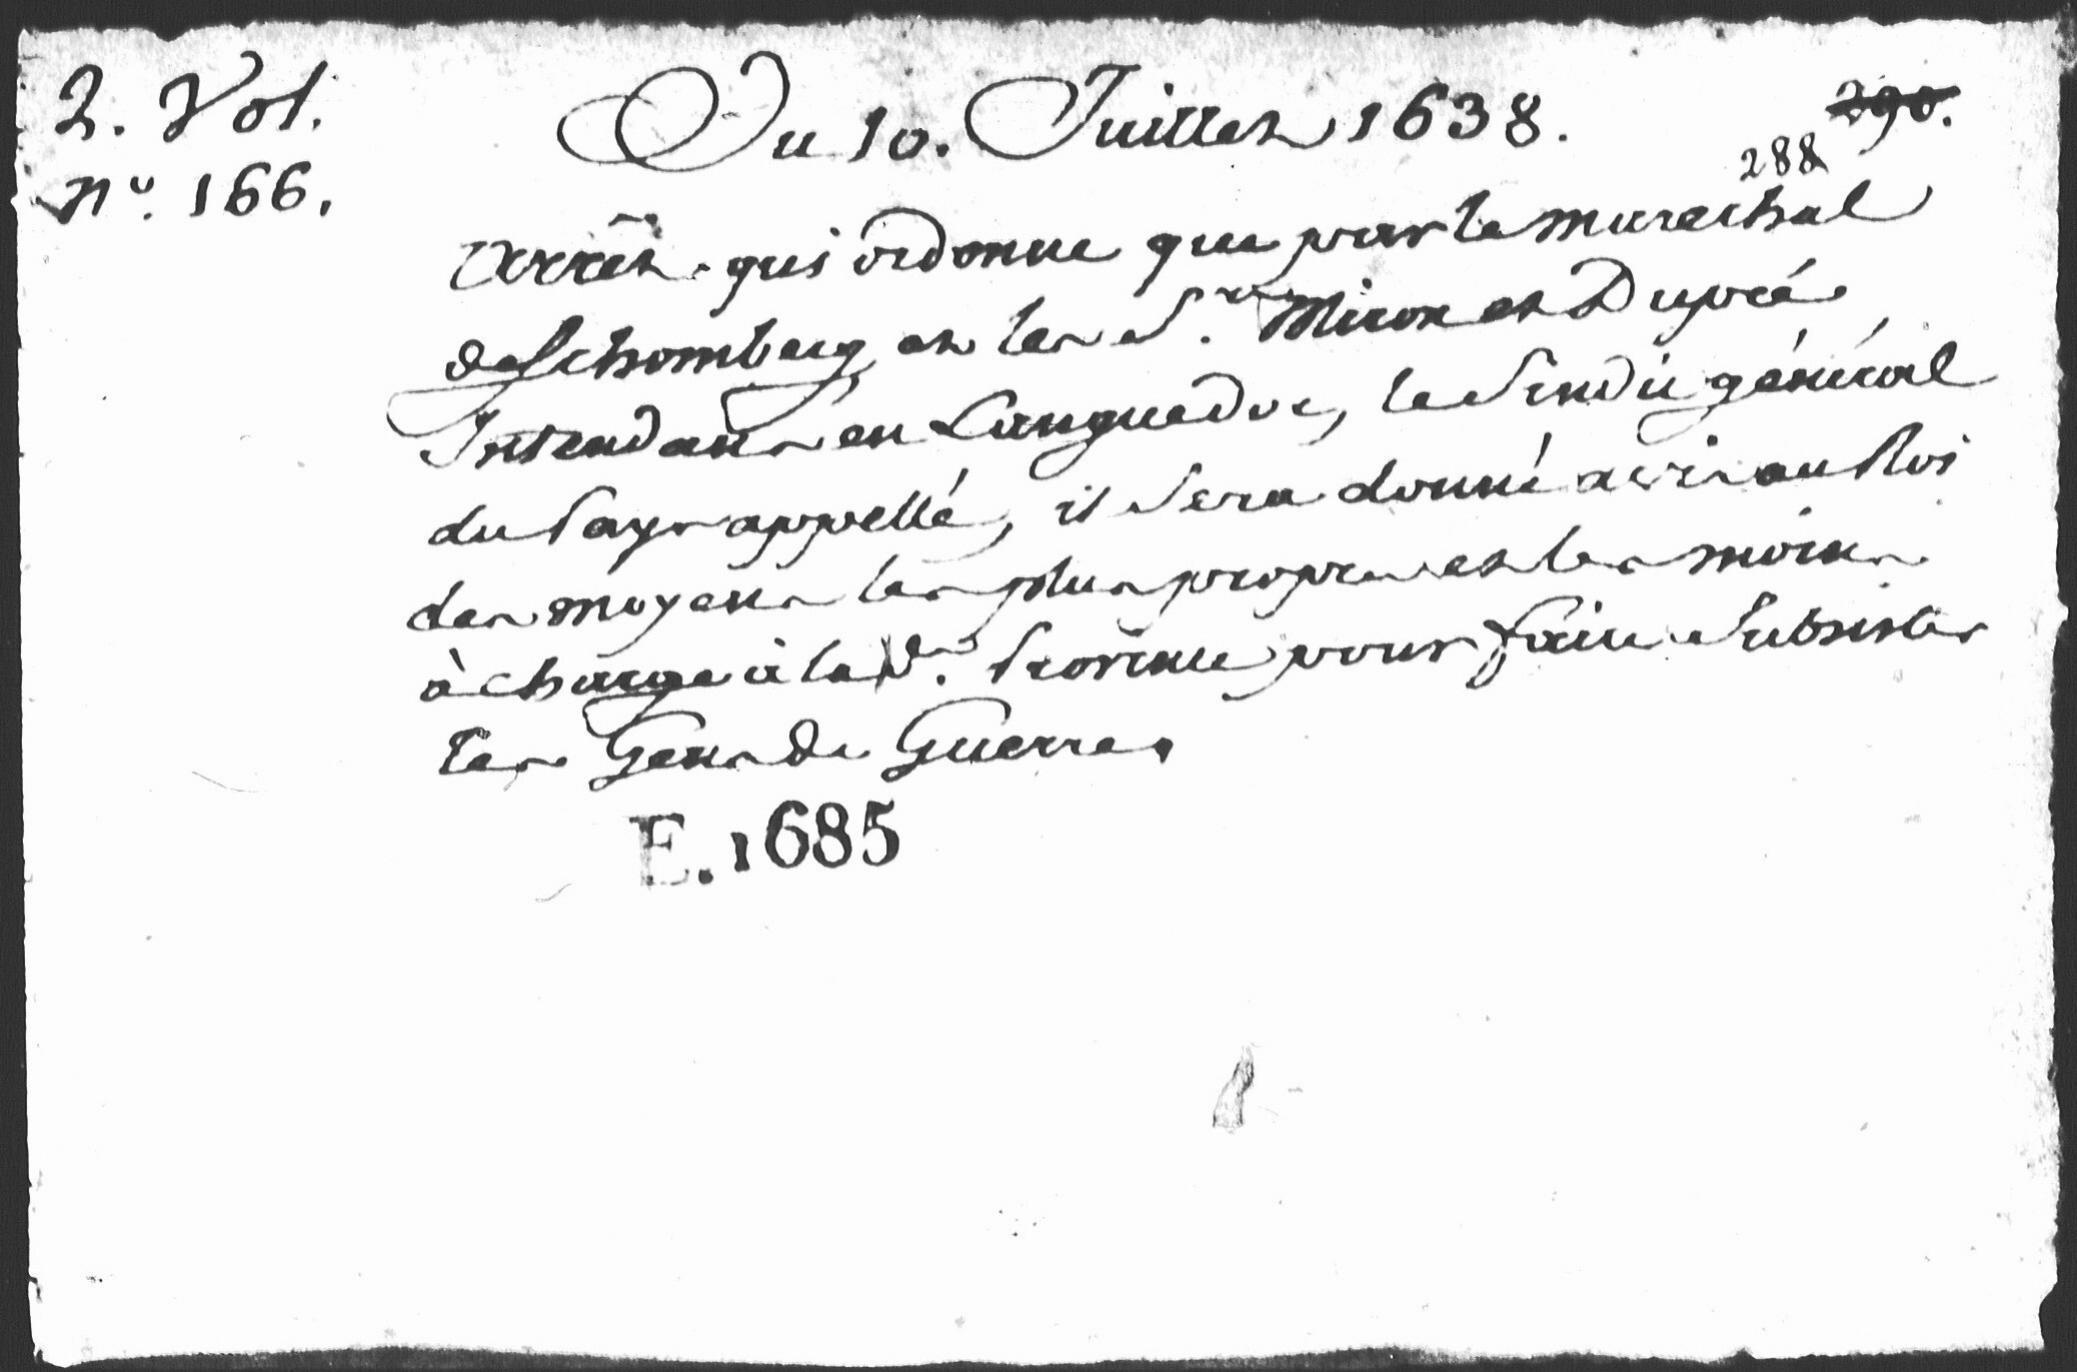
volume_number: n°166
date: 10 juillet 1638
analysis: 288 [290 barré]
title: Arrêt qui ordonne que par le marechal de Schomberg et les S.rs Miron et Dupré intendans en Languedoc, le sindic général du Pays appelé, sera donné avis au Roi des moyens les plus propres et les moins à charge à lad. province pour faire subsister les gens de guerre.
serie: E
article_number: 1685
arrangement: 2. vol.
